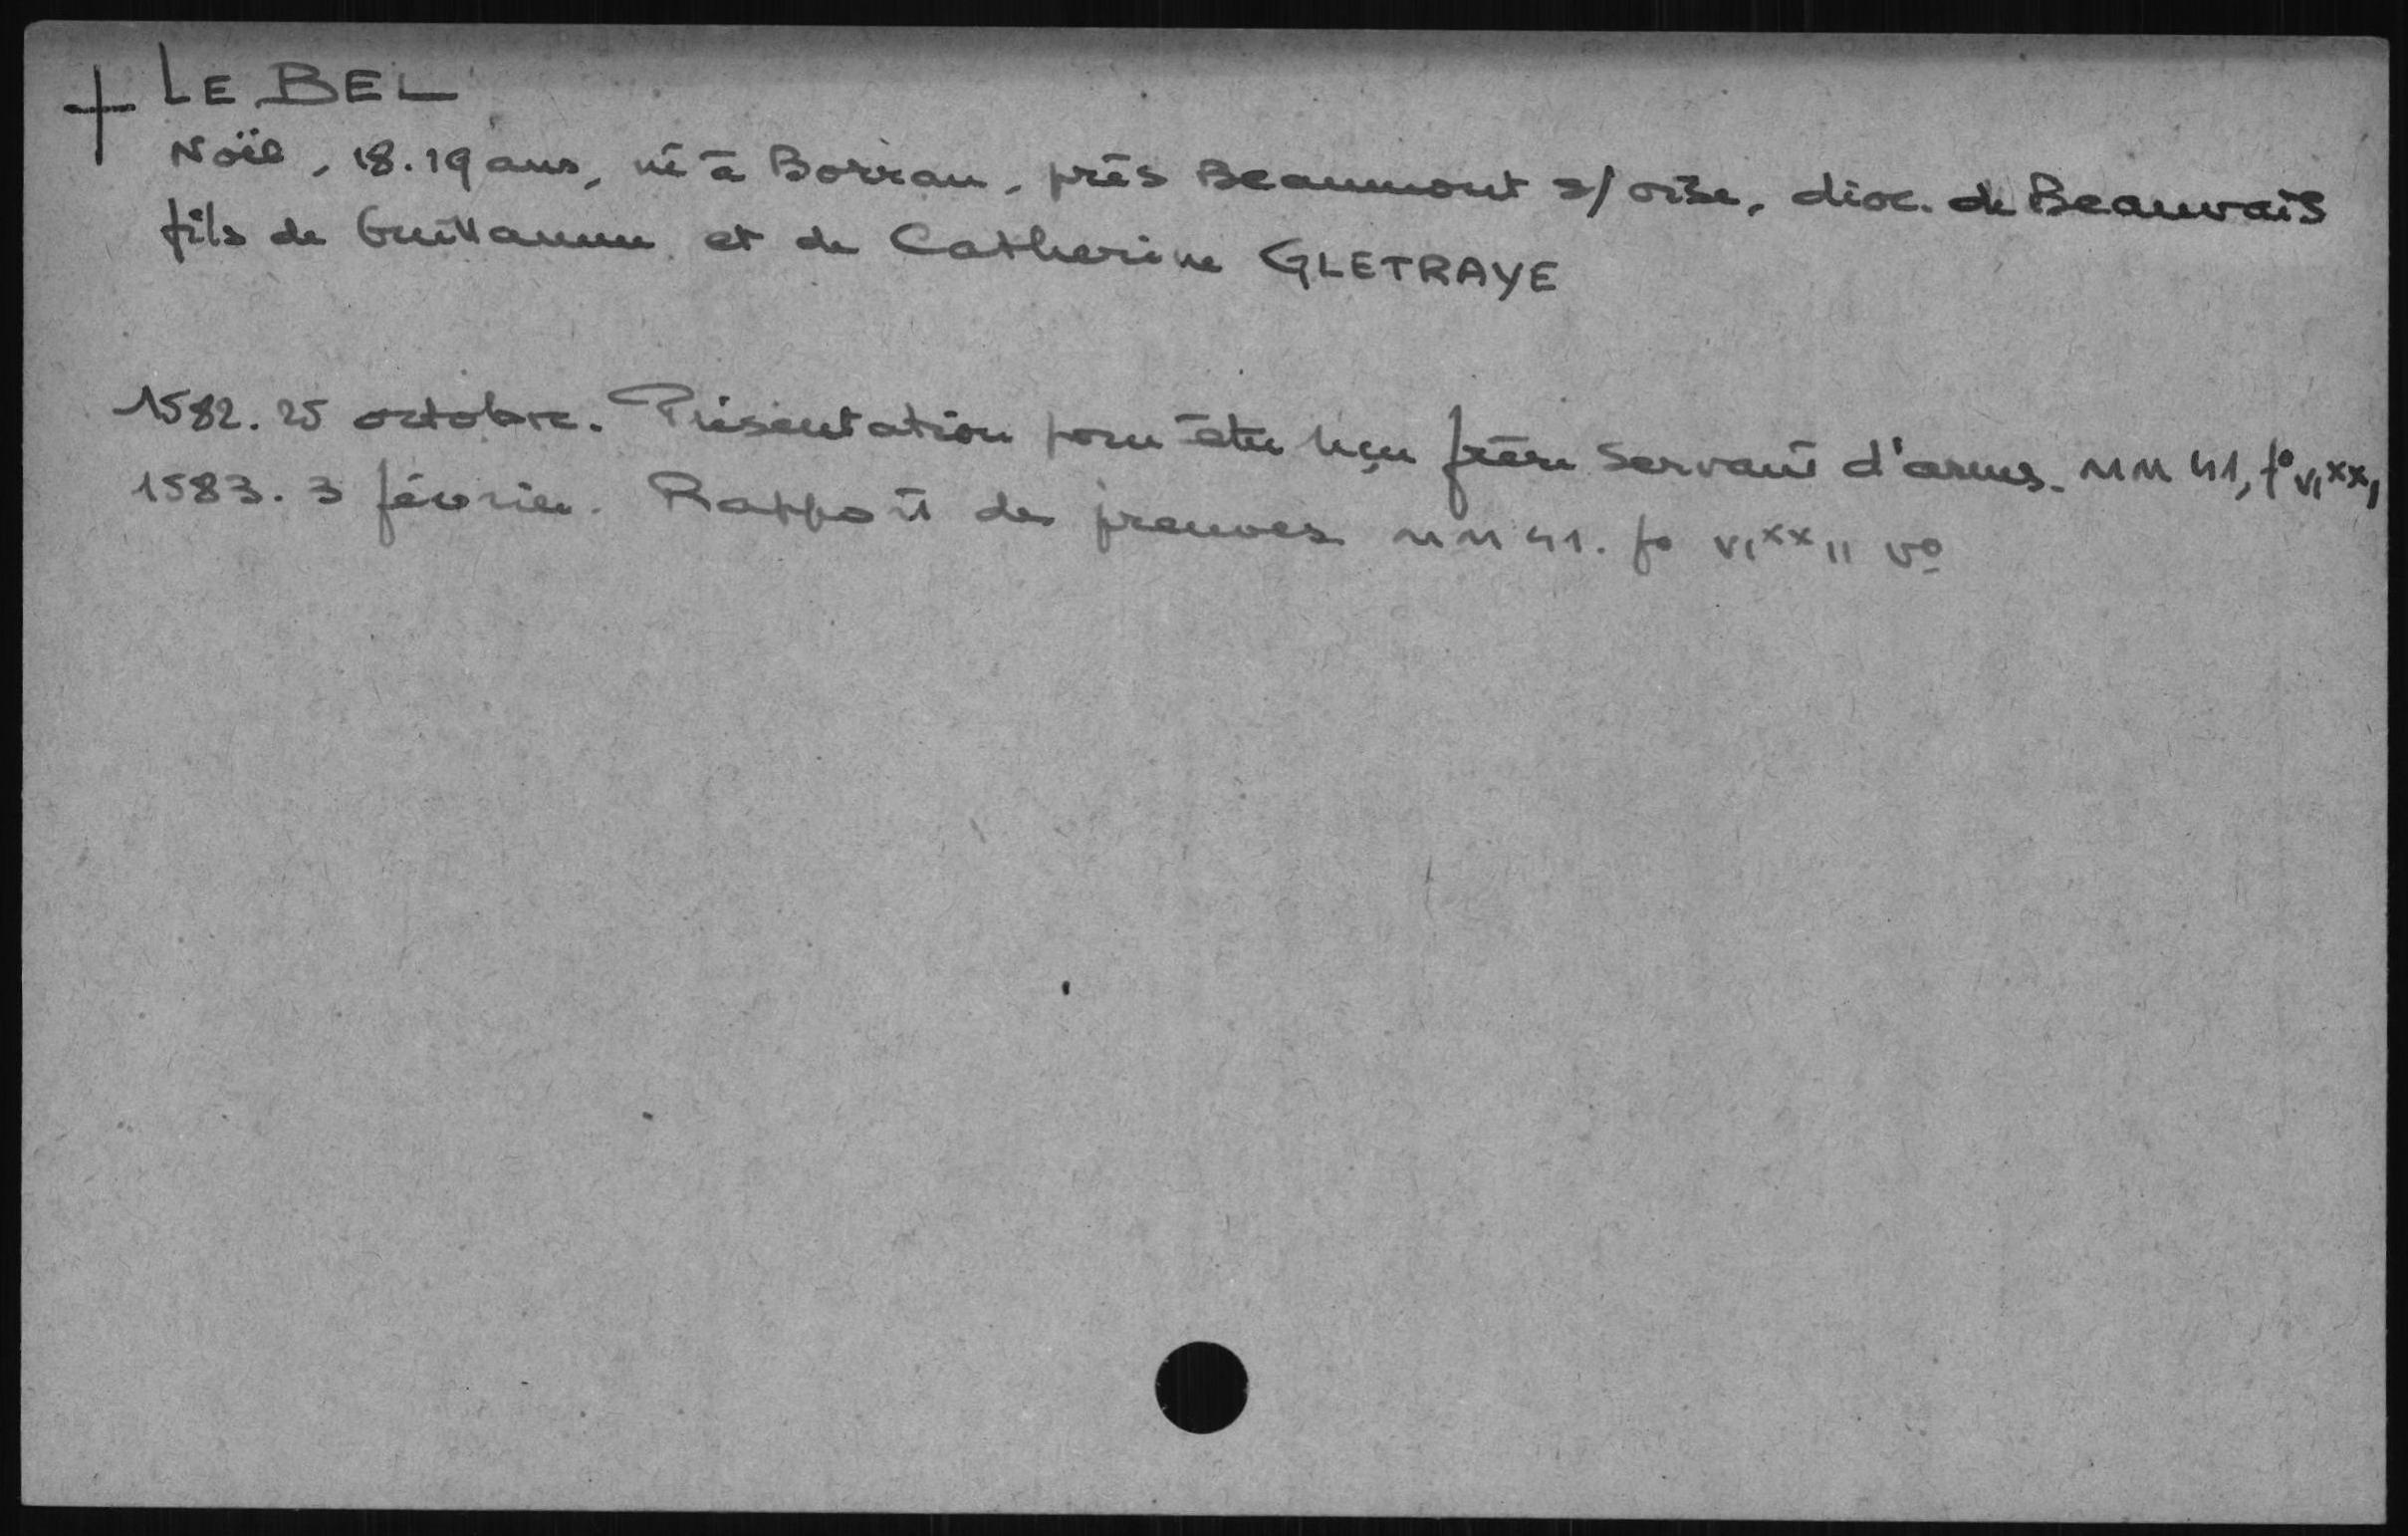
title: + LE BEL Noël, 18-19 ans, né à Borrau, près Beaumont sur Oise, diocèse de Beauvais fils de Guillaume et de Catherine GLETRAYE
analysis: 1582, 25 octobre. Présentation pour être reçu frère servant d'armes. MM 41, fol. VI xx I 1583, 3 février. Rapport des preuves. MM 41, fol. VI xx IIv
